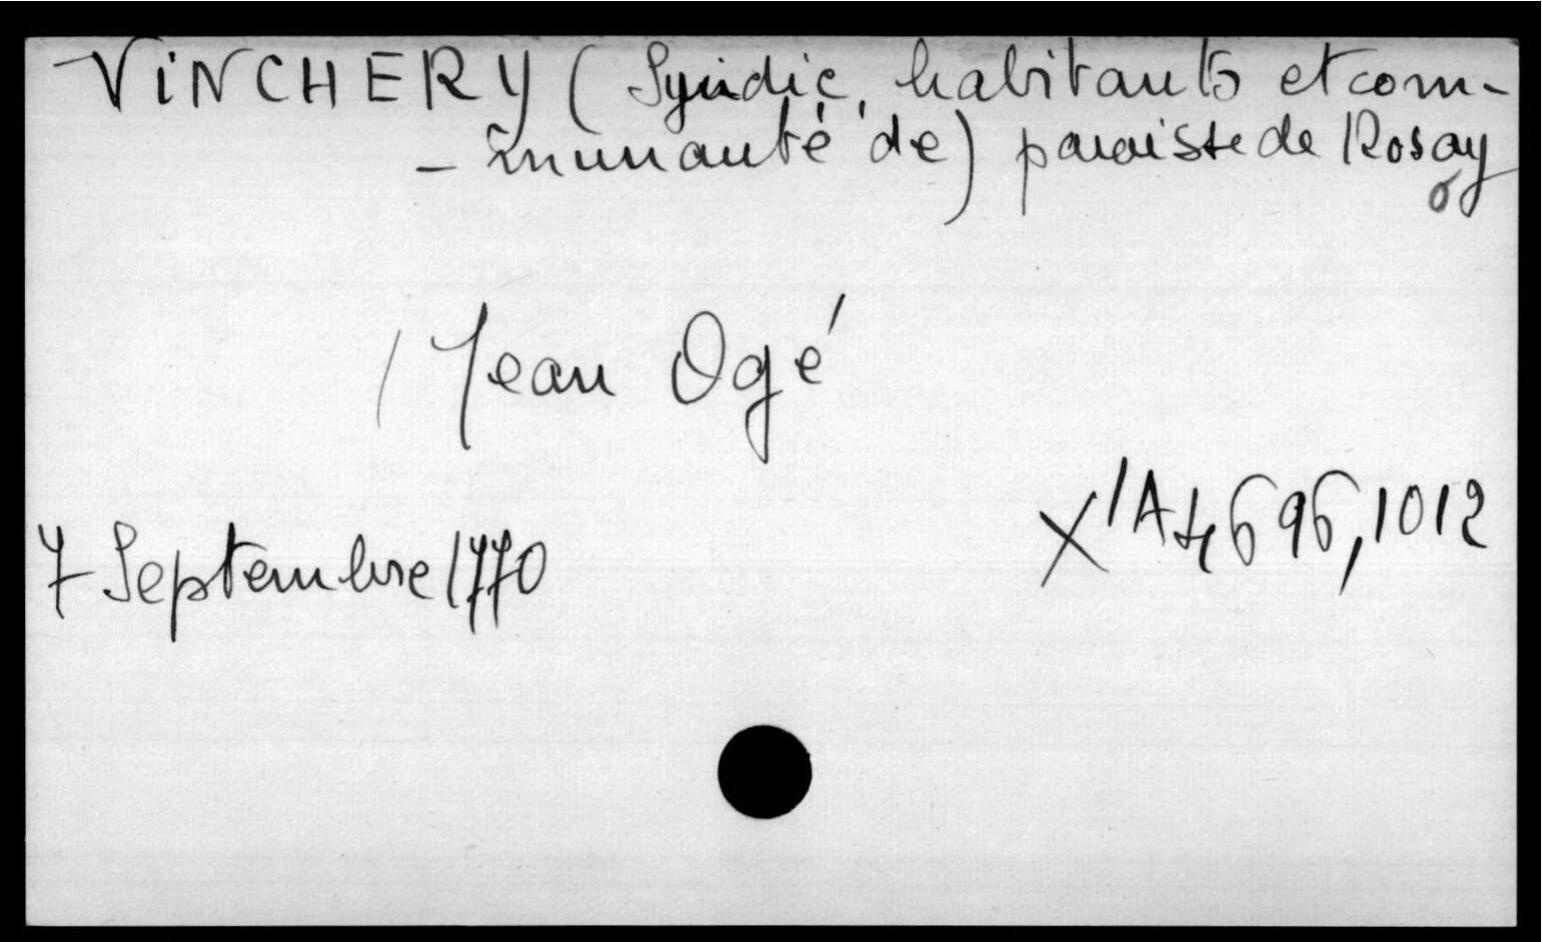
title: VINCHERY (Syndic, habitants et communauté de) paroisse de Rosay
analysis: Contre Jean Ogé
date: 7 septembre 1770
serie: X1A
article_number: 4696
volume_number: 1012
